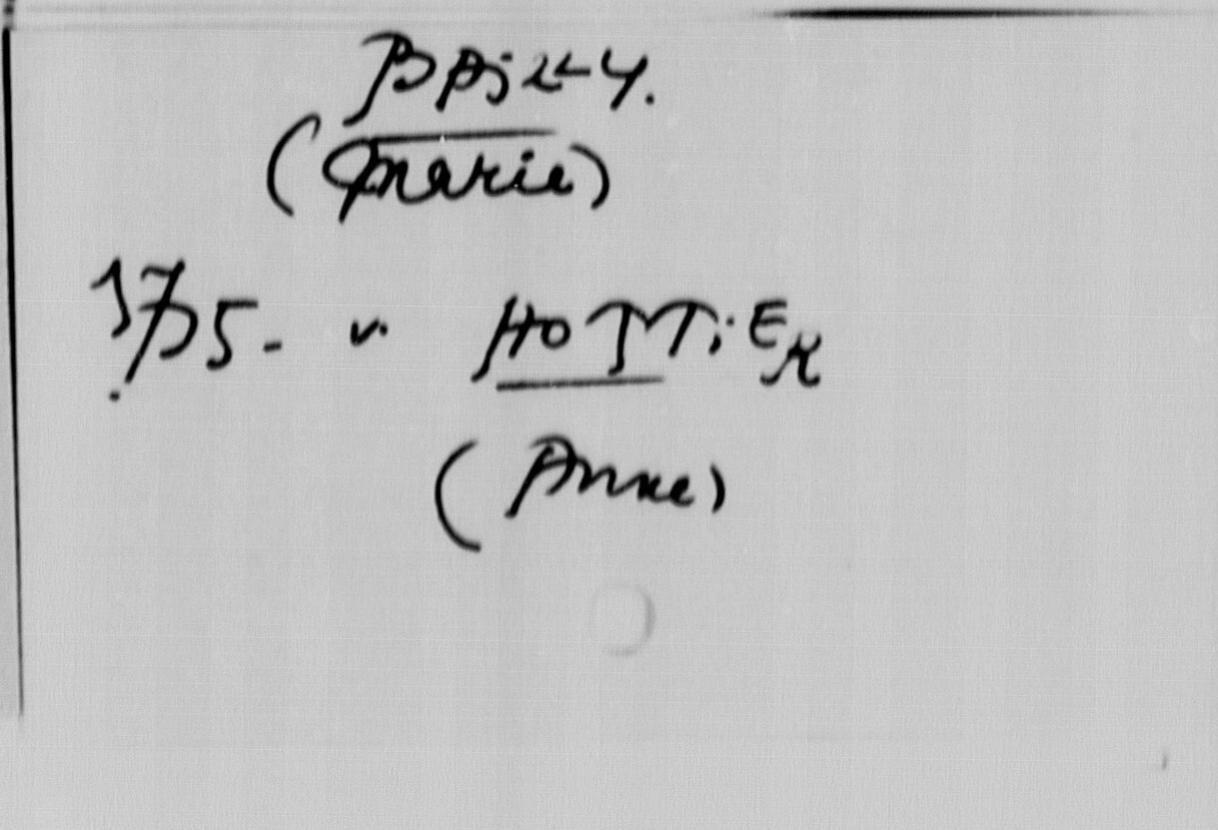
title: BAILLY (Marie)
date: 1705
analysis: Voir Hottier (Anne)
